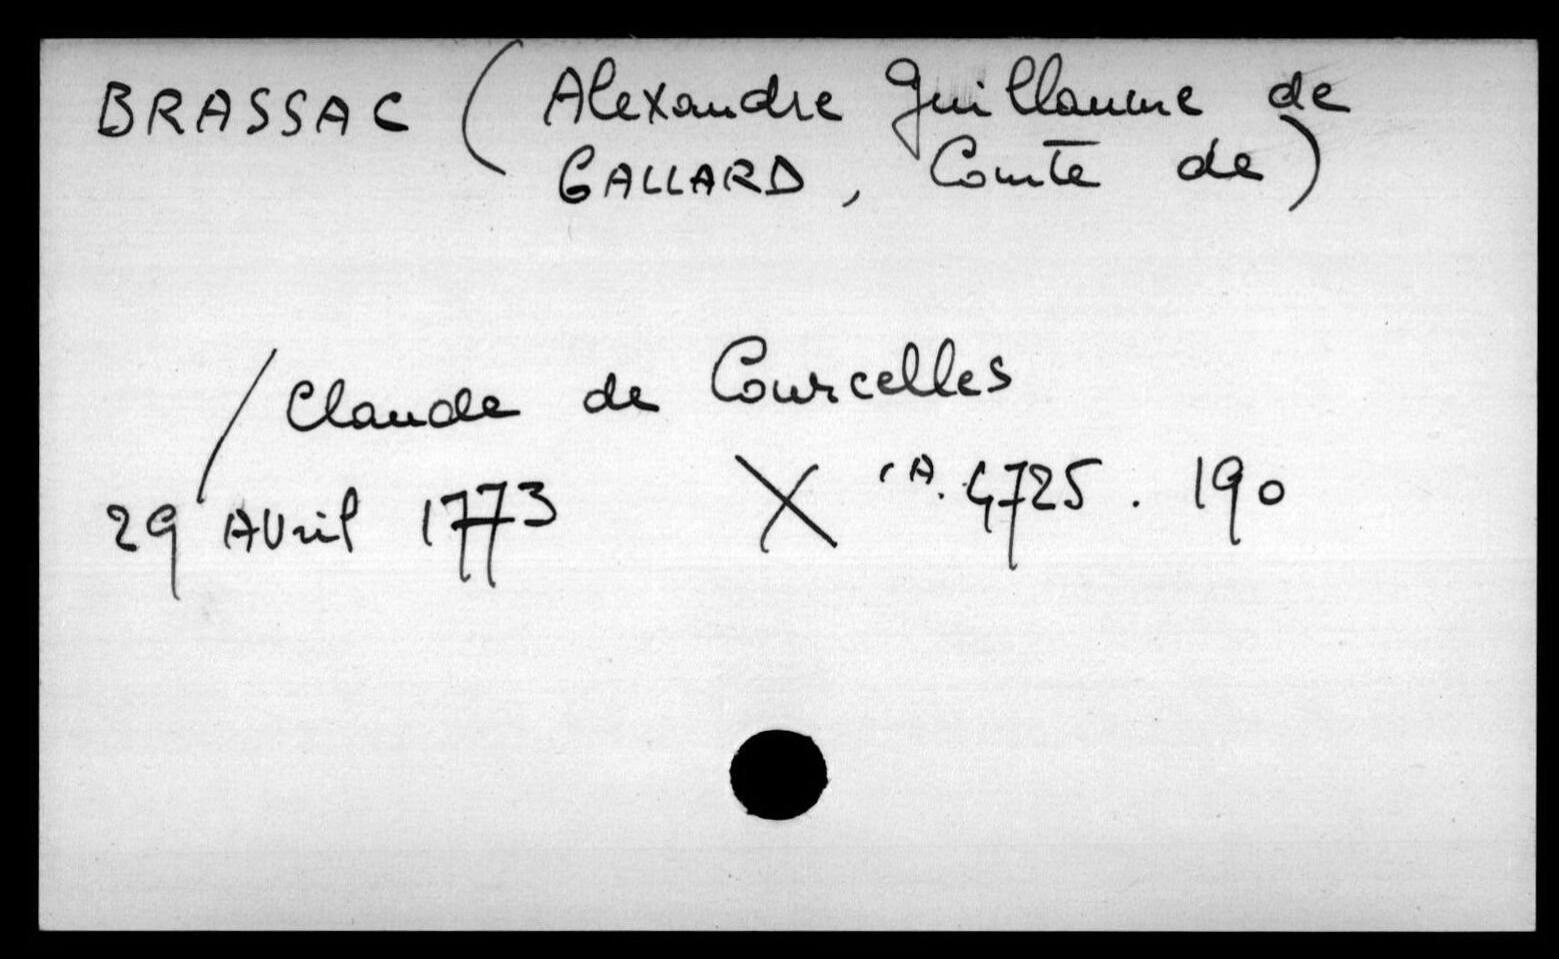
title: BRASSAC (Alexandre Guillaume de GALLARD, comte de)
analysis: Contre Claude de Courcelles
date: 29 avril 1773
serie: X1A
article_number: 4725
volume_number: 190
